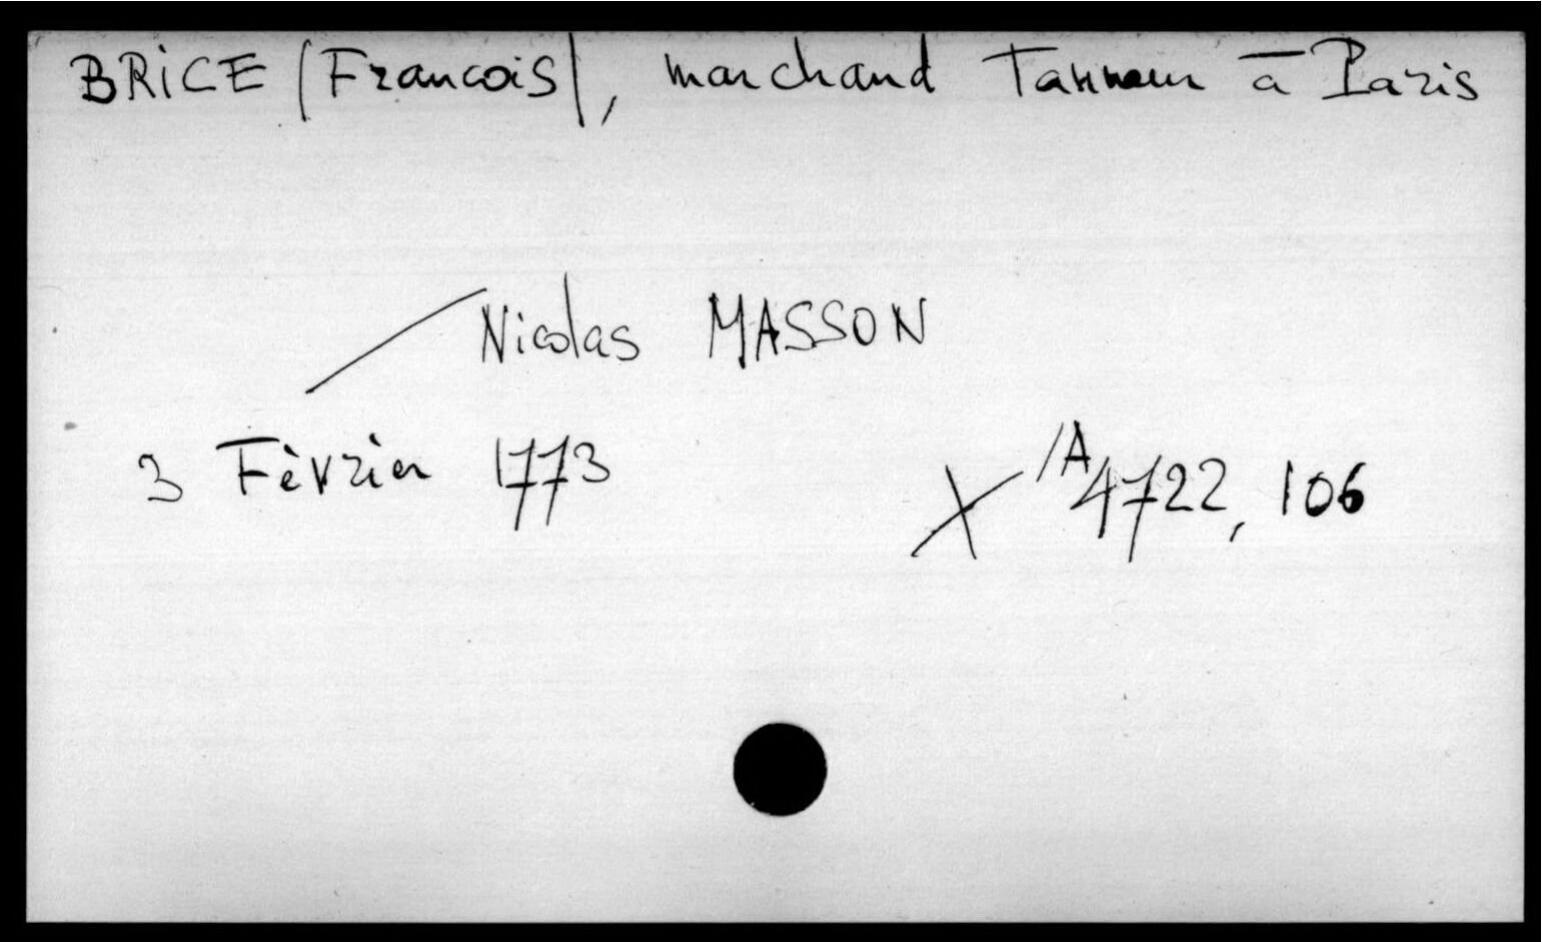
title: BRICE (François), marchand tanneur à Paris
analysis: Contre Nicolas MASSON
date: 3 février 1773
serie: X1A
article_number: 4722
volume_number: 106
